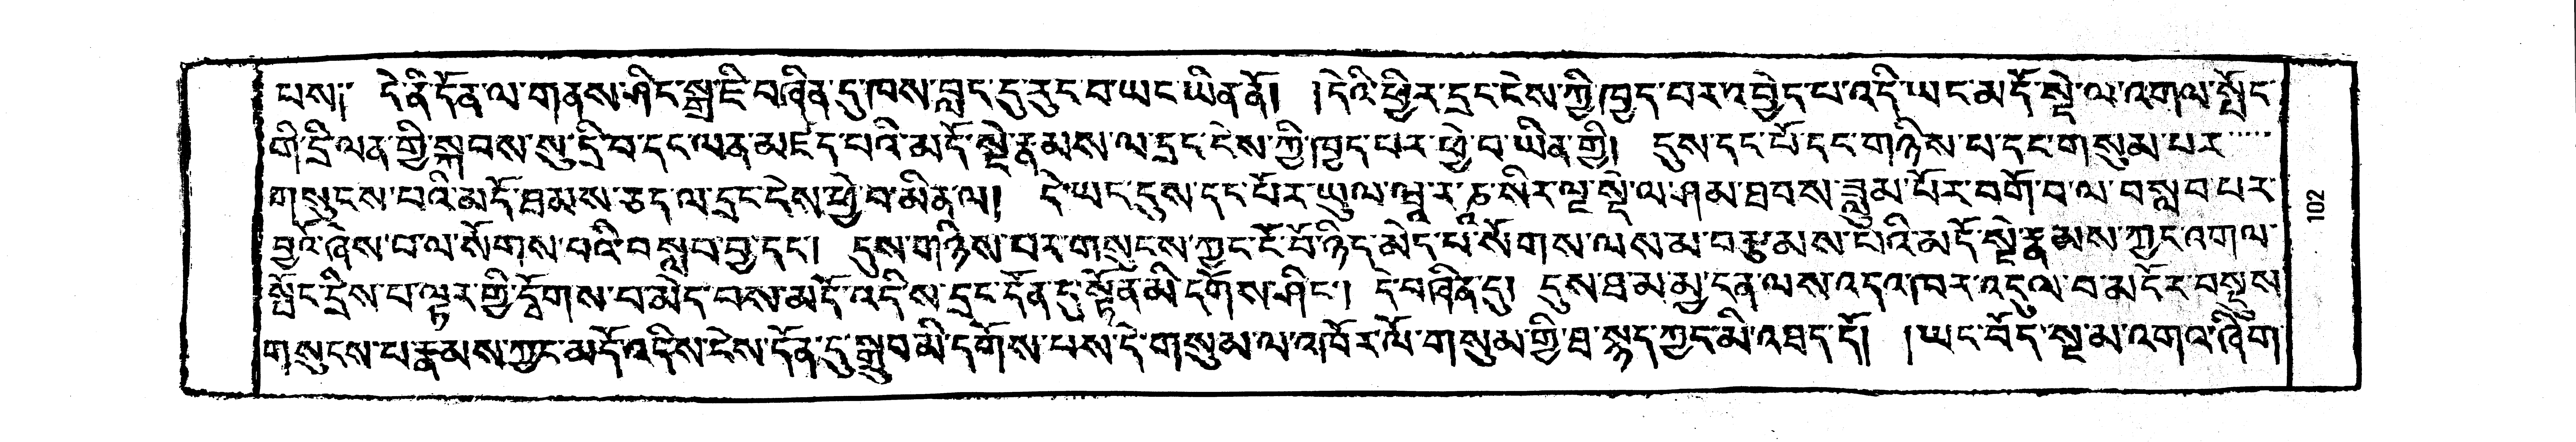པས། དེ་ནི་དོན་ལ་གནས་ཤིང་སྒྲ་ཇི་བཞིན་དུ་ཁས་བླང་དུ་རུང་བ་ཡང་ཡིན་ནོ། །དེའི་ཕྱིར་དྲང་ངེས་ཀྱི་ཁྱད་པར་འབྱེད་པ་འདི་ཡང་མདོ་སྡེ་ལ་འགལ་སྤོང་
གི་དྲི་ལན་གྱི་སྐབས་སུ་དྲི་བ་དང་ལན་མཛད་པའི་མདོ་སྡེ་རྣམས་ལ་དྲང་ངེས་ཀྱི་ཁྱད་པར་ཕྱེ་བ་ཡིན་གྱི། དུས་དང་པོ་དང་གཉིས་པ་དང་གསུམ་པར་
གསུངས་པའི་མདོ་ཐམས་ཅད་ལ་དྲང་དེས་ཕྱེ་བ་མིན་ལ། དེ་ཡང་དུས་དང་པོར་ཡུལ་ཝཱ་ར་ཎཱ་སིར་ལྔ་སྡེ་ལ་ཤམ་ཐབས་ཟླུམ་པོར་བགོ་བ་ལ་བསླབ་པར་
བྱའོ་ཞེས་པ་ལ་སོགས་པའི་བསླབ་བྱ་དང་། དུས་གཉིས་པར་གསུངས་ཀྱང་ངོ་བོ་ཉིད་མེད་པ་སོགས་ལས་མ་བརྩམས་པའི་མདོ་སྡེ་རྣམས་ཀྱང་འགལ་
སྤོང་དྲིས་པ་ལྟར་གྱི་དྭོགས་པ་མེད་པས་མདོ་འདི་ས་དྲང་དོན་དུ་སྟོན་མི་དགོས་ཤིང་། དེ་བཞིན་དུ། དུས་ཐ་མ་མྱ་ངན་ལས་འདའ་ཁར་འདུལ་བ་མདོར་བསྡུས་
གསུངས་པ་རྣམས་ཀྱང་མདོ་འདིས་ངེས་དོན་དུ་སྒྲུབ་མི་དགོས་པས་དེ་གསུམ་ལ་འཁོར་ལོ་གསུམ་གྱི་ཐ་སྙད་ཀྱང་མི་འཐད་དོ། །ཡང་བོད་སྔ་མ་འགའ་ཞིག་